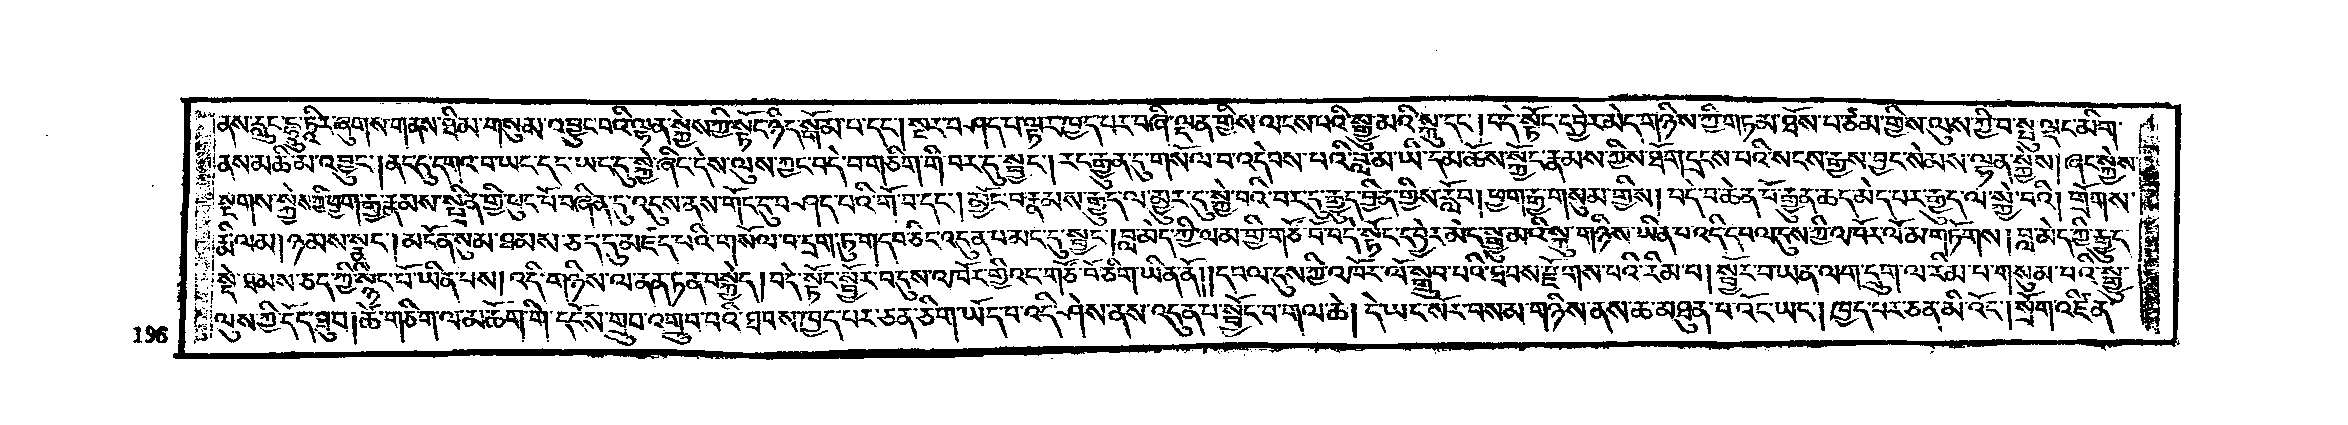ནས་རླུང་དྷཱུ་ཏཱིར་ཞུགས་གནས་ཐིམ་གསུམ་འབྱུང་བའི་ལྷན་སྐྱེས་ཀྱི་སྟོང་ཉིད་སྒོམ་པ་དང་། སྔར་བཤད་པ་ལྟར་ཁྱད་པར་བཞི་ལྡན་གྱིས་ལངས་པའི་སྒྱུ་མའི་སྐུ་དང་། བདེ་སྟོང་དབྱེར་མེད་གཉིས་ཀྱི་གཏམ་ཐོས་པ་ཙམ་གྱིས་ལུས་ཀྱི་བ་སྤུ་ལྡང་མིག་
ནས་མཆི་མ་འབྱུང་། ནང་དུ་དགའ་བ་ཡང་དང་ཡང་དུ་སྐྱེ་ཞིང་དེས་ལུས་ཀྱང་བདེ་བ་གཅིག་གི་བར་དུ་སྦྱང་། རང་རྒྱུན་དུ་གསོལ་བ་འདེབས་པའི་བླ་མ་ཡི་དམ་ཆོས་སྐྱོང་རྣམས་ཀྱིས་ཐོག་དྲངས་པའི་སངས་རྒྱས་བྱང་སེམས་ལྷན་སྐྱེས། ཞིང་སྐྱེས་
སྔགས་སྐྱེས་ཀྱི་ཕྱག་རྒྱ་རྣམས་སྤྲིན་གྱི་ཕུང་པོ་བཞིན་དུ་འདུས་ནས་གོང་དུ་བཤད་པའི་གོ་བ་དང་། མྱོང་བ་རྣམས་རྒྱུད་ལ་མྱུར་དུ་སྐྱེ་བའི་བར་དུ་རྒྱུད་བྱིན་གྱིས་རློབ། ཕྱག་རྒྱ་གསུམ་གྱིས། བདེ་བ་ཆེན་པོ་རྒྱུན་ཆད་མེད་པར་རྒྱུད་ལ་སྐྱེ་བའི། གྲོགས་
རྨི་ལམ། ཉམས་སྣང་། མངོན་སུམ་ཐམས་ཅད་དུ་མཛད་པའི་གསོལ་བ་དྲག་ཏུ་གདབ་ཅིང་འདུན་པ་མང་དུ་སྦྱང་། བླ་མེད་ཀྱི་ལམ་གྱི་གཙོ་བོ་བདེ་སྟོང་དབྱེར་མེད་སྒྱུ་མའི་སྐུ་གཉིས་ཡིན་པ་འདི་དཔལ་དུས་ཀྱི་འཁོར་ལོ་མ་གཏོགས། བླ་མེད་ཀྱི་རྒྱུད་
སྡེ་ཐམས་ཅད་ཀྱི་སྙིང་པོ་ཡིན་པས། འདི་གཉིས་ལ་ནན་ཏན་བསྐྱེད། བདེ་སྟོང་སྦྱོར་བ་དུས་འཁོར་གྱིའང་གཙོ་བོ་ཅིག་ཡིན་ནོ། །དཔལ་དུས་ཀྱི་འཁོར་ལོ་སྒྲུབ་པའི་ཐབས་རྫོགས་པའི་རིམ་པ། སྦྱོར་བ་ཡན་ལག་དྲུག་ལ་རིམ་པ་གསུམ་པའི་སྒྱུ་
ལུས་ཀྱི་དོད་ཐུབ། ཚེ་གཅིག་ལ་མཆོག་གི་དངོས་གྲུབ་འགྲུབ་པའི་ཐབས་ཁྱད་པར་ཅན་ཅིག་ཡོད་པ་འདི་ཤེས་ནས་འདུན་པ་སྦྱོང་བ་གལ་ཆེ། དེ་ཡང་སོར་བསམ་གཉིས་ནས་ཆ་མཐུན་པ་འོང་ཡང་། ཁྱད་པར་ཅན་མི་འོང་། སྲོག་འཛིན་